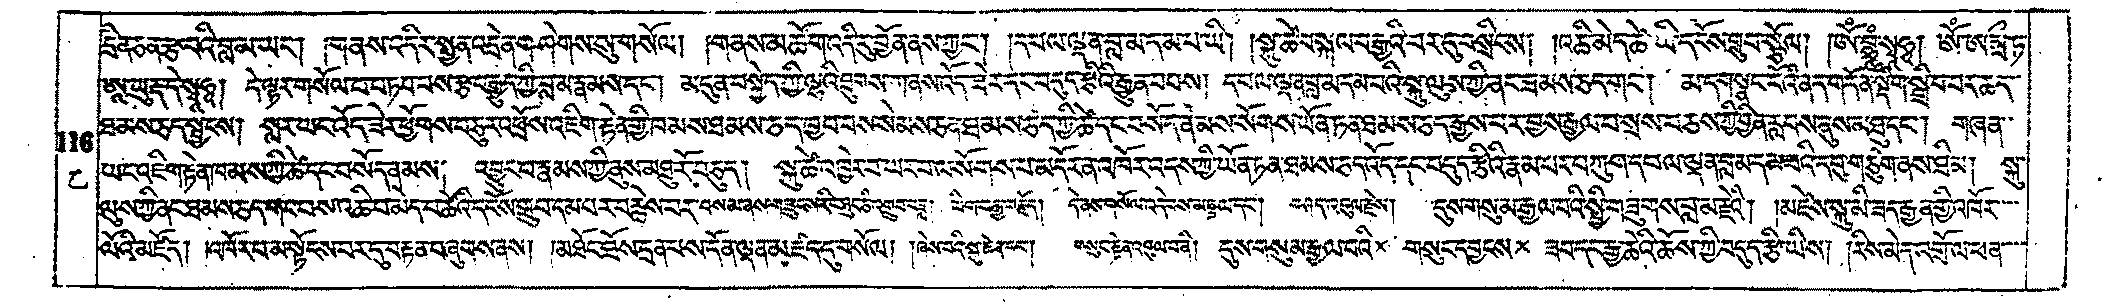དྲིན་ཅན་རྩ་བའི་བླ་མ་ཡང་། །གནས་འདིར་སྤྱན་འདྲེན་གཤེགས་སུ་གསོལ། །གནས་མཆོག་འདི་རུ་བྱོན་ནས་ཀྱང་། །དཔལ་ལྡན་བླ་མ་དམ་པ་ཡི། །སྐུ་ཚེ་བསྐལ་བརྒྱའི་བར་དུ་བསྲིངས། །འཆི་མེད་ཚེ་ཡི་དངོས་གྲུབ་སྩོལ། །ཨོཾ་བྷྲཱུཾ་སྭཱཧཱ། ཨོཾ་ཨ་མྲྀ་ཏ་
ཨཱ་ཡུརྡ་དེ་སྭཱཧཱ། དེ་ལྟར་གསོལ་བ་བཏབ་པས་རྩ་བརྒྱུད་ཀྱི་བླ་མ་རྣམས་དང་། མདུན་བསྐྱེད་ཀྱི་ལྷའི་ཐུགས་ཀ་ནས་འོད་ཟེར་དང་བདུད་རྩིའི་རྒྱུན་བབས། དཔལ་ལྡན་བླ་མ་དམ་པའི་སྐུ་ལུས་ཀྱི་ནང་ཐམས་ཅད་གང་། མ་དག་སྣང་ངོའི་ནད་གདོན་སྡིག་སྒྲིབ་བར་ཆད་་་
ཐམས་ཅད་སྦྱངས། སླར་ཡང་འོད་ཟེར་ཕྱོགས་བཅུར་འཕྲོས་འཇིག་རྟེན་གྱི་ཁམས་ཐམས་ཅད་ཁྱབ་པས་སེམས་ཅན་ཐམས་ཅད་ཀྱི་ཚེ་དང་བསོད་ནམས་སོགས་ཡོན་ཏན་ཐམས་ཅད་རྒྱས་པར་བྱས་རྒྱལ་བ་སྲས་བཅས་ཀྱི་བྱིན་རླབས་ནུས་མཐུ་དང་། གཞན་་་
ཡང་འཇིག་རྟེན་ཁམས་ཀྱི་ཚེ་དང་བསོད་ནམས། འབྱུང་བ་རྣམས་ཀྱི་ནུས་མཐུ་རོ་བཅུད། སྐུ་ཚེ་འཁྱེར་བ་ཡར་བ་ལ་སོགས་པ་མདོར་ན་འཁོར་འདས་ཀྱི་ཡོན་ཏན་ཐམས་ཅད་འོད་དང་བདུད་རྩིའི་རྣམ་པར་བཀུག་དཔལ་ལྡན་བླ་མ་དམ་པའི་དབུ་གཙུག་ནས་ཐིམ། སྐུ་
ལུས་ཀྱི་ནང་ཐམས་ཅད་གང་བས་འཆི་བ་མེད་པ་ཚེའི་དངོས་གྲུབ་དམ་པར་བརྙེས་པར་བསམ་ནས་གཟུངས་རིང་ཐུང་ཅི་འགྲུབ་བཟླ། ཡིག་བརྒྱ་བརྗོད། དེ་ནས་གསོལ་འདེབས་མཎྜལ་དང་། བཤད་འབུལ་རྗེས།  དུས་གསུམ་རྒྱལ་བའི་སྤྱི་གཟུགས་བླ་མ་རྗེའི། །མཛེས་སྐུ་མི་ཟད་རྒྱན་གྱི་འཁོར་་་
ལོའི་མཛོད། །འཁོར་བ་མ་སྟོངས་བར་དུ་བརྟན་བཞུགས་ནས། །མཐོང་ཐོས་དྲན་པས་དོན་ལྡན་མཛད་དུ་གསོལ། །ཞེས་བའི་སྐུ་རྟེན་དང་། གསུང་རྟེན་འབུལ་བ་ནི།  དུས་གསུམ་རྒྱལ་བའི་྾་གསུང་དབྱངས་྾་ཟབ་དང་རྒྱ་ཆེའི་ཆོས་ཀྱི་བདུད་རྩི་ཡིས། །རིས་མེད་འགྲོ་ལ་ཕན་་་